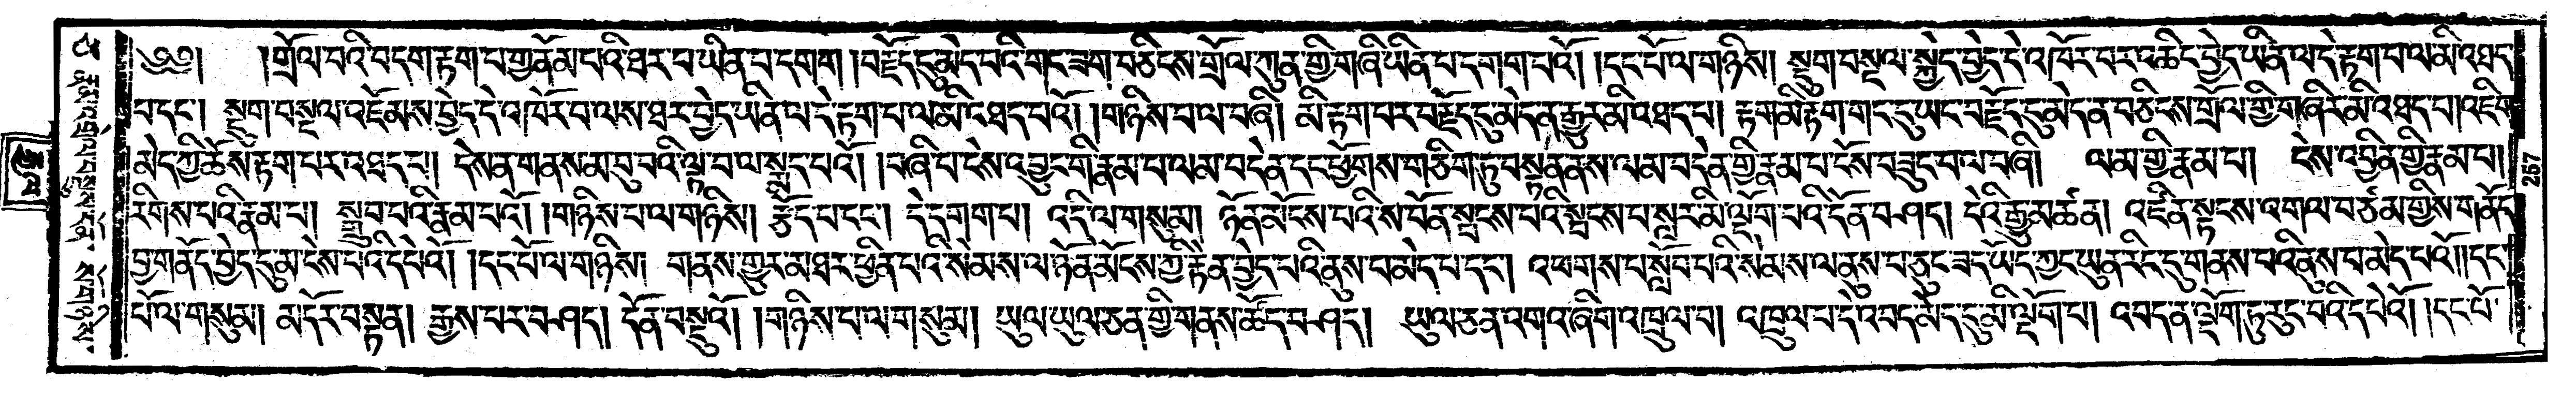༄༅། །གྲོལ་བའི་བདག་རྟག་པ་གྱ་ནོམ་པའི་ཐར་པ་ཡིན་པ་དགག །བརྗོད་དུ་མེད་པའི་གང་ཟག་བཅིངས་གྲོལ་ཀུན་གྱི་གཞི་ཡིན་པ་དགག་པའོ། །དང་པོ་ལ་གཉིས། སྡུག་བསྔལ་སྐྱེད་བྱེད་དེ་འཁོར་བར་འཆིང་བྱེད་ཡིན་ལ་དེ་རྟག་པ་ལ་མི་འཐད་
པ་དང་། སྡུག་བསྔལ་འཇོམས་བྱེད་དེ་འཁོར་བ་ལས་ཐར་བྱེད་ཡིན་ལ་དེ་རྟག་པ་ལ་མི་འཐད་པའོ། །གཉིས་པ་ལ་བཞི། མི་རྟག་པར་བརྗོད་དུ་མེད་ན་རྒྱུར་མི་འཐད་པ། རྟག་མི་རྟག་གང་དུ་ཡང་བརྗོད་དུ་མེད་ན་བཅིངས་གྲོལ་གྱི་གཞིར་མི་འཐད་པ། འཇིག་
མེད་ཀྱི་ཆོས་རྟག་པར་འཐད་པ། དེས་ན་གནས་མ་བུ་བའི་ལྟ་བ་ལ་སྨད་པའོ། །བཞི་པ་ངེས་འབྱུང་གི་རྣམ་པ་ལམ་བདེན་དང་ཕྱོགས་གཅིག་ཏུ་བསྟན་ནས་ལམ་བདེན་གྱི་རྣམ་པ་ངོས་བཟུང་བ་ལ་བཞི། ལམ་གྱི་རྣམ་པ། ངེས་འབྱིན་གྱི་རྣམ་པ།
རིགས་པའི་རྣམ་པ། སྒྲུབ་པའི་རྣམ་པའོ། །གཉིས་པ་ལ་གཉིས། རྩོད་པ་དང་། དེ་དགག་པ། འདི་ལ་གསུམ། ཉོན་མོངས་པའི་ས་བོན་སྤངས་པའི་སྤངས་པ་སླར་མི་ལྡོག་པའི་དོན་བཤད། དེའི་རྒྱུ་མཚན། འཛིན་སྟངས་འགལ་བ་ཙམ་གྱིས་གནོད་
བྱ་གནོད་བྱེད་དུ་མ་ངེས་པའི་དཔེའོ། །དང་པོ་ལ་གཉིས། གནས་གྱུར་མཐར་ཕྱིན་པའི་སེམས་ལ་ཉོན་མོངས་ཀྱི་རྟེན་བྱེད་པའི་ནུས་པ་མེད་པ་དང་། འཕགས་པ་སློབ་པའི་སེམས་ལ་ནུས་པ་ཅུང་ཟད་ཡོད་ཀྱང་ཡུན་རིང་དུ་གནས་པའི་ནུས་པ་མེད་པའོ། །དང་
པོ་ལ་གསུམ། མདོར་བསྟན། རྒྱས་པར་བཤད། དོན་བསྡུའོ། །གཉིས་པ་ལ་གསུམ། ཡུལ་ཡུལ་ཅན་གྱི་གནས་ཚོད་བཤད། ཡུལ་ཅན་འགའ་ཞིག་འཁྲུལ་བ། འཁྲུལ་པ་དེ་འབད་མེད་དུ་མི་ལྡོག་པ། འབད་ན་ལྡོག་ཏུ་རུང་བའི་དཔེའོ། །དང་པོ་